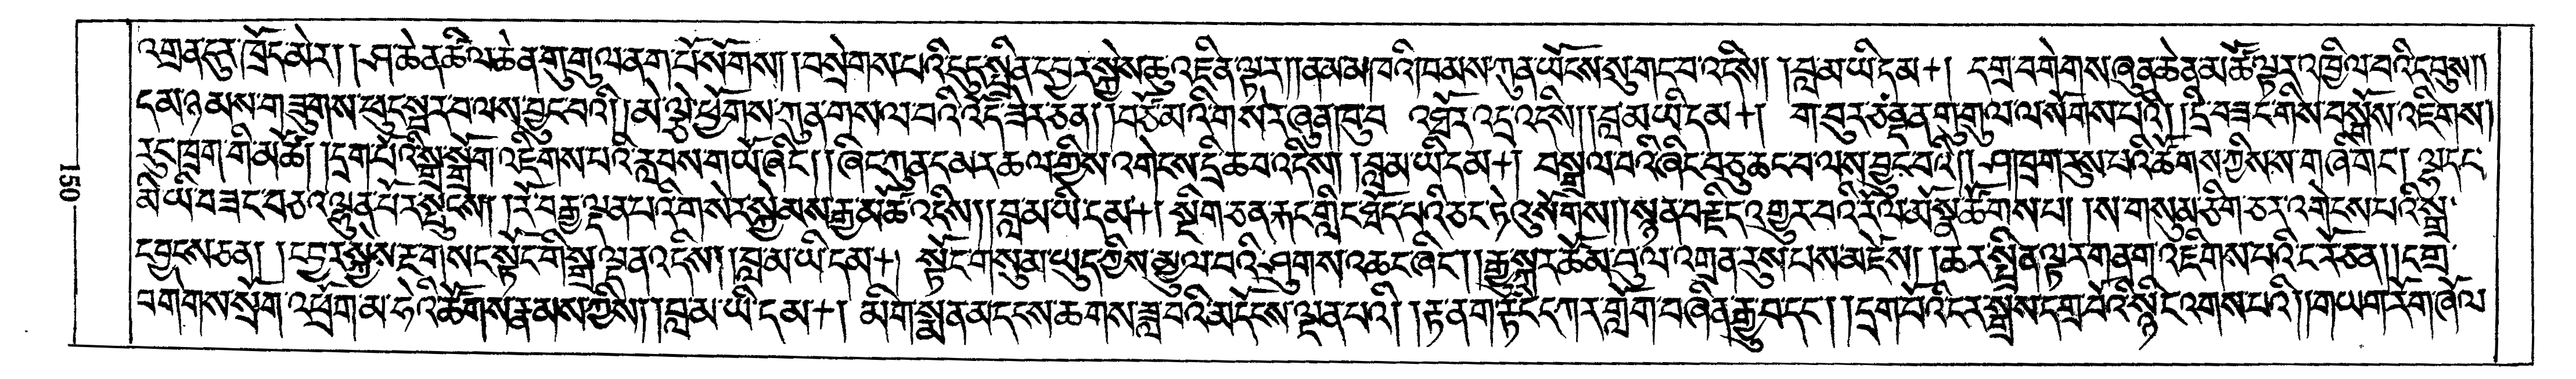འགྲན་དུར་ཁྲོད་མེར། །ཤ་ཆེན་ཚིལ་ཆེན་གུ་གུལ་ནག་པོ་སོགས། །བསྲེགས་པའི་དུད་སྤྲིན་དབྱར་སྐྱེས་ཆུ་འཛིན་ལྟར། །ནམ་མཁའི་ཁམས་ཀུན་ཡོངས་སུ་གང་བ་འདིས། །བླ་མ་ཡི་དམ། དགྲ་བགེགས་ཞུན་ཆེན་མཚོ་ལྟར་འཁྱིལ་བའི་དབུས། །
དམ་ཉམས་གཟུགས་ཕུང་སྦར་བ་ལས་བྱུང་བའི། །མེ་ལྕེ་ཕྱོགས་ཀུན་གསལ་བའི་འོད་ཟེར་ཅན། །བཙོ་མའི་གསེར་ཞུན་ཁུ་བ་འཐོར་འདྲ་འདིས། །བླ་མ་ཡི་དམ། ག་བུར་ཙནྡན་གུ་གུལ་ལ་སོགས་པའི། །དྲི་བཟང་གིས་བསྒོས་འཇིགས་
རུང་ཁྲག་གི་མཚོ། །དྲག་པོའི་སྒྲ་སྒྲོག་འཇིགས་པའི་རླབས་གཡོ་ཞིང་། །ཞིང་ཀུན་དམར་ཆལ་གྱིས་འགེངས་དྲི་ཆབ་འདིས། །བླ་མ་ཡི་དམ། བསྒྲལ་བའི་ཞིང་བཅུ་ཚང་བ་ལས་བྱུང་བའི། །ཤ་ཁྲག་རུས་པའི་ཚོགས་ཀྱིས་ས་གཞི་གང་། །ལྷ་དང་
མི་ཡི་བཟའ་བཟའ་ལྷུན་པོར་སྤུངས། །རོ་བརྒྱ་ལྡན་པའི་གསེར་སྐྱེམས་རྒྱ་མཚོ་འདིས། །བླ་མ་ཡི་དམ། སྡིག་ཅན་རྐང་གླིང་ཐོད་པའི་ཅང་ཏེའུ་སོགས། །སྙན་བརྗིད་འགྱུར་བའི་རོལ་མོ་སྣ་ཚོགས་པ། །ས་གསུམ་ཅིག་ཅར་འགེངས་པའི་སྒྲ་
དབྱངས་ཅན། །དབྱར་སྐྱེས་རྔ་གསང་སྟོང་གི་སྒྲ་ལྡན་འདིས། །བླ་མ་ཡི་དམ། སྟོང་གསུམ་ཡུད་ཀྱིས་མྱུལ་བའི་ཤུགས་འཆང་ཞིང་། །རྒྱུ་སྐར་ཚོམ་བུ་ལ་འགྲན་རུས་པས་མཛེས། །ཆར་སྦྲིན་ལྟར་གནག་འཇིགས་པའི་ང་རོ་ཅན། །དགྲ་
བགེགས་སྲོག་འཕྲོག་མ་ཧེའི་ཚོགས་རྣམས་ཀྱིས། །བླ་མ་ཡི་དམ། མིག་སྨན་མདངས་ཆགས་ཟླ་བའི་མདོངས་ལྡན་པའི། །རྟ་ནག་རྟིད་དཀར་གློག་བཞིན་རྒྱུ་བ་དང་། །དྲག་པོའི་དར་སྒྲས་དགྲ་བོའི་སྙིང་འགས་པའི། །གཡག་རོག་ཞོལ་